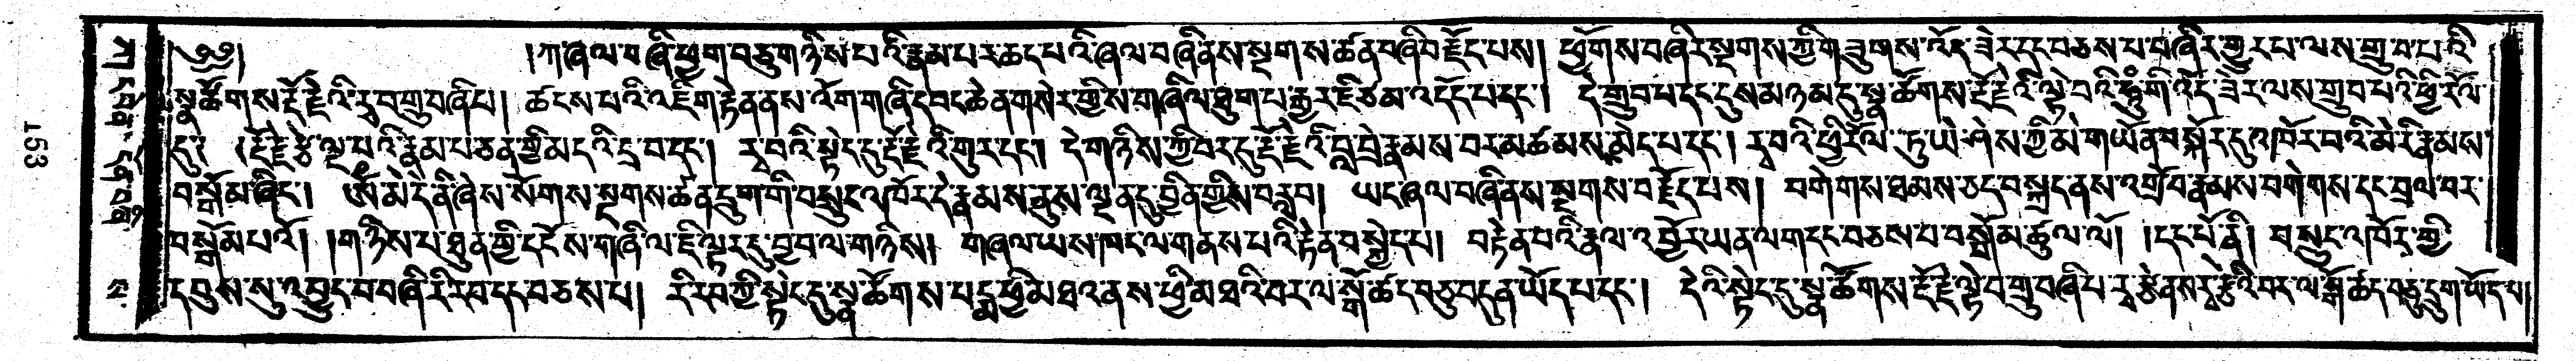༄༅། །ཀ་ཞལ་བཞི་ཕྱག་བཅུ་གཉིས་པའི་རྣམ་པར་ཆད་པའི་ཞལ་བཞི་ནས་སྔགས་ཚན་བཞི་བརྗོད་པས། ཕྱོགས་བཞིར་སྔགས་ཀྱི་གཟུགས་འོད་ཟེར་དང་བཅས་པ་བཞིར་གྱུར་པ་ལས་གྲུབ་པའི་
སྣ་ཚོགས་རྡོ་རྗེའི་རྭ་བ་གྲུ་བཞི་པ། ཚངས་པའི་འཇིག་རྟེན་ནས་འོག་གཞི་དབང་ཆེན་གསེར་གྱིས་གཞིལ་ཐུག་པ་རྒྱར་ཇི་ཙམ་འདོད་པ་དང་། དེ་གྲུབ་པ་དང་དུས་མཉམ་དུ་སྣ་ཚོགས་རྡོ་རྗེའི་ལྟེ་བའི་ཧཱུཾ་གི་འོད་ཟེར་ལས་གྲུབ་པའི་ཕྱི་རོལ་
དུ༑ ༑རྡོ་རྗེ་རྩེ་ལྔ་པའི་རྣམ་པ་ཅན་གྱི་མདའི་དྲ་བ་དང་། རྭ་བའི་སྟེང་དུ་རྡོ་རྗེའི་གུར་དང་། དེ་གཉིས་ཀྱི་བར་དུ་རྡོ་རྗེའི་བླ་བྲེ་རྣམས་བར་མཚམས་མེད་པ་དང་། རྭ་བའི་ཕྱི་རོལ་ཏུ་ཡེ་ཤེས་ཀྱི་མེ་གཡོན་བསྐོར་དུ་འཁོར་བའི་མེ་རི་རྣམས་
བསྒོམ་ཞིང་། ཨོཾ་མེ་དེ་ནི་ཞེས་སོགས་སྔགས་ཚན་དྲུག་གི་བསྲུང་འཁོར་དེ་རྣམས་ནུས་ལྡན་དུ་བྱིན་གྱིས་བརླབ། ཡང་ཞལ་བཞི་ནས་སྔགས་བརྗོད་པས། བགེགས་ཐམས་ཅད་བསྐྲད་ནས་འགྲོ་བ་རྣམས་བགེགས་དང་བྲལ་བར་
བསྒོམ་པའོ། །གཉིས་པ་ཐུན་གྱི་དངོས་གཞི་ལ་ཇི་ལྟར་དུ་བྱ་བ་ལ་གཉིས། གཞལ་ཡས་ཁང་ལ་གནས་པའི་རྟེན་བསྐྱེ་དཔ། བརྟེན་པའི་རྣལ་འབྱོར་ཡན་ལག་དང་བཅས་པ་བསྒོམ་ཚུལ་ལོ། །དང་པོ་ནི། བསྲུང་འཁོར་གྱི་
དབུས་སུ་འབྱུང་བ་བཞི་རི་རབ་དང་བཅས་པ། རི་རབ་ཀྱི་སྟེང་དུ་སྣ་ཚོགས་པདམ་ཕྱི་མཐའ་ནས་ཕྱི་མཐའི་བར་ལ་སྒོ་ཚད་བཅུ་བདུན་ཡོད་པ་དང་། དེའི་སྟེང་དུ་སྣ་ཚོགས་རྡོ་རྗེ་ལྟེ་བ་གྲུ་བཞི་པ་རྭ་རྩེ་ནས་རྭ་རྩེའི་བར་ལ་སྒོ་ཚད་བཅུ་དྲུག་ཡོད་པ།